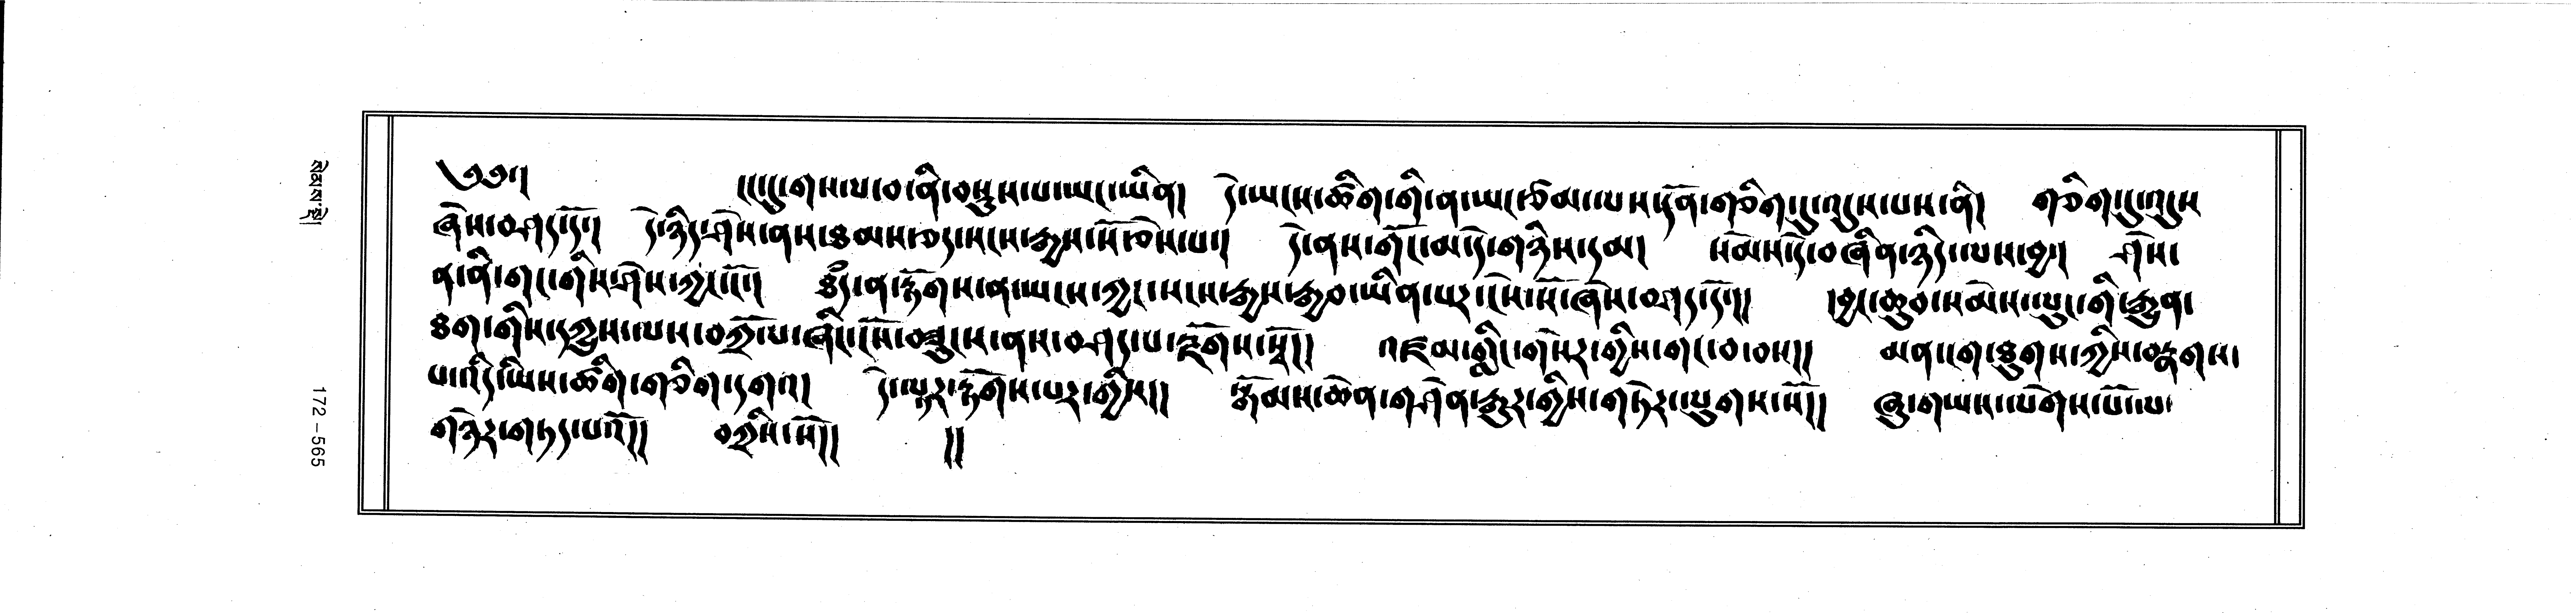ངང་དུ་གསལ་བ་ནི་བསྡུས་པ་ཡང་ཡིན། དེ་ཡང་ཚིག་གི་ན་ཡང་ཙམ་ལས་དོན་གཅིག་དུ་འདུས་པས་ནི། གཅིག་དུ་འདུས་
ཞེས་བཤད་དོ། དེ་ཉིད་ཤེས་ནས་ཐམས་ཅད་སངས་རྒྱས་སོ་ཅེས་པ། དེ་ནས་གོང་མ་དེ་གཉིས་དམ། སེམས་དེ་བཞིན་ཉིད་ལས་བྱ། ཤེས་
ན་ནི་གང་གིས་ཤེས་ཀྱང་ངོ་། ཐམས་ཅད་རྟོགས་ན་ཡང་ཀྱང་སངས་རྒྱས་རྒྱབ་ཡིན་པར་ངེས་སོ་ཞེས་བཤད་དེ། བྱང་ཆུབ་སེམས་ལུང་གི་རྒྱུན་
ཐག་གིས་དཀྱུས་ལས་བཀྲོལ་ཞིང་ངོས་བཟུངས་ནས་བཤད་པ་རྫོགས་སྭོ། འཛམ་གླིང་གསེར་གྱིས་གང་བ་བས། མན་ངག་ཐུགས་ཀྱིས་བརྣགས་
པ་འདི་ཡིས་ཚིག་གཅིག་དགའ། དེ་ལྟར་རྟོགས་པར་གྱིས། སྒོམས་ཆེན་གཤེན་རྒུར་གྱི་གཏེར་ལུགས་སོ། ཞུ་གཡས་ལེགས་པོ་ལ་
གཉེར་གཏད་པའོ། བཀྲ་ཤིས་སོ།